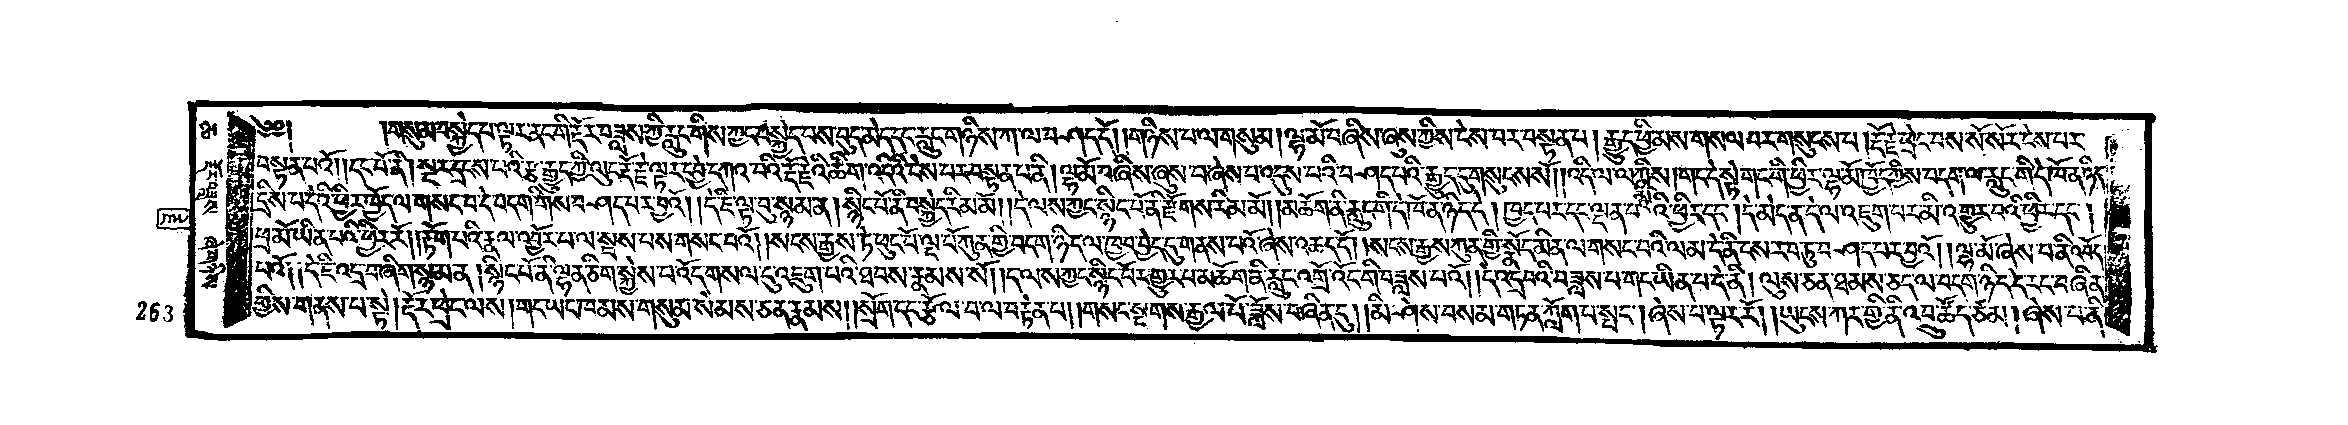༄༅། །གསུམ་བསྐྱེད་པ་ལྟར་ནང་གི་རྡོར་བཟླས་ཀྱི་རླུང་གིས་ཀྱང་བསྐྱེད་པས་བུད་མེད་དང་རླུང་གཉིས་ཀ་ལ་བཤད་དོ། །གཉིས་པ་ལ་གསུམ། ལྷ་མོ་བཞིས་ཞུས་ཀྱིས་ངེས་པར་བསྟན་པ། རྒྱུད་ཕྱི་མས་གསལ་བར་གསུངས་པ། རྡོ་རྗེ་ཕྲེང་བས་སོ་སོར་ངེས་པར་
བསྟན་པའོ། །དང་པོ་ནི། སྔར་དྲངས་པའི་རྩ་རྒྱུད་ཀྱི་ལུང་རྡོ་རྗེ་ལྟར་དབྱེ་དཀའ་བའི་རྡོ་རྗེའི་ཚིག་འདིའི་ངེས་པར་བསྟན་པ་ནི། ལྷ་མོ་བཞིས་ཞུས་པ་ཞེས་པ་འདུས་པའི་བཤད་པའི་རྒྱུད་དུ་གསུངས་སོ། །འདི་ལ་ལཀྵྨཱིས། གང་དེ་སྟེ་གང་གི་ཕྱིར་ལྷ་མོ་ཁྱོད་ཀྱིས་བདག་ལ་རླུང་གི་དེ་ཁོ་ན་ཉིད་
དྲིས་པ་དེའི་ཕྱིར་ཁྱོད་ལ་གསང་བ་དེ་བདག་གིས་བཤད་པར་བྱའོ། །དེ་ཇི་ལྟ་བུ་སྙམ་ན། སྙིང་པོ་ནི་བསྐྱེད་རིམ་མོ། །དེ་ལས་ཀྱང་སྙིང་པོ་ནི་རྫོགས་རིམ་མོ། །མཆོག་ནི་རླུང་གི་དེ་ཁོ་ན་ཉིད་དེ། ཁྱད་པར་དང་ལྡན་པའི་ཕྱིར་དང་། དེ་མེད་ན་དེ་ལ་འཇུག་པར་མི་འགྱུར་བའི་ཕྱིར་དང་།
ཕྲ་མོ་ཡིན་པའི་ཕྱིར་རོ། །རྟོག་པའི་རྣལ་འབྱོར་པ་ལ་སྦས་པས་གསང་བའོ། །སངས་རྒྱས་ཏེ་ཕུང་པོ་ལྔ་པོ་ཀུན་གྱི་བདག་ཉིད་ལ་ཁྱབ་བྱེད་དུ་གནས་པའོ་ཞེས་འཆད་དོ། །སངས་རྒྱས་ཀུན་གྱི་སྣོད་མིན་ལ་གསང་བའི་ལམ་དེ་ནི་ངས་རབ་ཏུ་བཤད་པར་བྱའོ། །ལྷ་མོ་ཞེས་པ་ནི་འབོད་
པའོ༑ ༑དེ་ཇི་འདྲ་བ་ཞིག་སྙམ་ན། སྙིང་པོ་ནི་ལྷན་ཅིག་སྐྱེས་པ་འོད་གསལ་དུ་འཇུག་པའི་ཐབས་རྣམས་སོ། །དེ་ལས་ཀྱང་སྙིང་པོར་གྱུར་པ་མཆོག་ནི་རླུང་འགྲོ་འོང་གི་བཟླས་པའོ། །དེ་འདྲ་བའི་བཟླས་པ་གང་ཡིན་པ་དེ་ནི། ལུས་ཅན་ཐམས་ཅད་ལ་བདག་ཉིད་དེ་རང་བཞིན་
གྱིས་གནས་པ་སྟེ། རྡོར་ཕྲེང་ལས། གང་ཡང་ཁམས་གསུམ་སེམས་ཅན་རྣམས། །སྲོག་དང་རྩོལ་བ་ལ་བརྟེན་པ། །གསང་སྔགས་རྒྱལ་པོ་ཟློས་བཞིན་དུ། །མི་ཤེས་བསམ་གཏན་ཀློག་པ་སྤང་། ཞེས་པ་ལྟར་རོ། །ཡུངས་ཀར་གྱི་ནི་འབྲུ་ཚོད་ཙམ། ཞེས་པ་ནི་